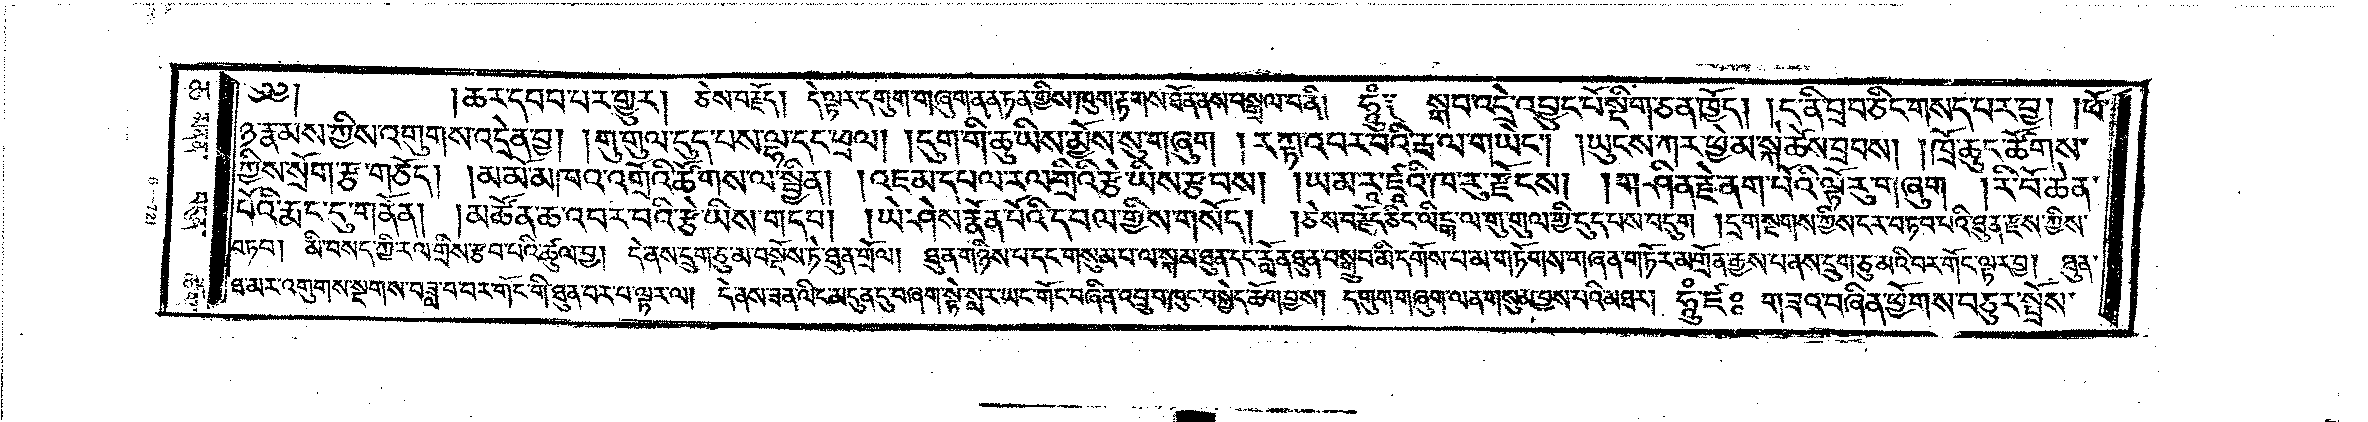༄༅། །ཆར་དབབ་པར་གྱུར། ཅེས་བརྗོད། དེ་ལྟར་དགུག་གཞུག་ནན་ཏན་གྱིས་ཁུག་རྟགས་ཐོན་ནས་བསྒྲལ་བ་ནི། ཧཱུཾ༑ སྒབ་འདྲེ་འབྱུང་པོ་སྡིག་ཅན་ཁྱོད། །ང་ནི་བྲབ་ཅིང་གསད་པར་བྱ། །ཕོ་
ཉ་རྣམས་ཀྱིས་འགུགས་འདྲེན་བྱ། །གུ་གུལ་དུད་པས་ལྷ་དང་ཕྲལ། །དུག་གི་ཆུ་ཡིས་མྱོས་སུ་གཞུག །རཀྟ་འབར་བའི་རྦ་ལག་གཡེང་། །ཡུངས་ཀར་ཕྱེ་མ་སྐེ་ཚེས་བྲབས། །ཁྲོ་ཆུང་ཚོགས་
ཀྱིས་སྲོག་རྩ་གཅོད། །མ་མོ་མཁའ་འགྲོའི་ཚོགས་ལ་སྦྱིན། །འཇམ་དཔལ་རལ་གྲིའི་རྩེ་ཡིས་རྩབས། །ཡ་མ་རཱ་ཛཱའི་ཁ་རུ་རྫོངས། །གཤིན་རྗེ་ནག་པོའི་ལྟོ་རུ་གཞུག །རི་བོ་ཆེན་
པོའི་རྨང་དུ་གནོན། །མཚོན་ཆ་འབར་བའི་རྩེ་ཡིས་གདབ། །ཡེ་ཤེས་རྣོན་པོའི་དཔལ་གྱིས་གསོད། །ཅེས་བརྗོད་ཅིང་ལིངྒ་ལ་གུ་གུལ་གྱི་དུད་པས་བདུག །དྲག་སྔགས་ཀྱིས་ངར་བཏབ་པའི་ཐུན་རྫས་ཀྱིས་
བཏབ། མི་བསད་ཀྱི་རལ་གྲིས་རྩབ་པའི་ཚུལ་བྱ། དེ་ནས་དྲུག་ཅུ་མ་བསྔོས་ཏེ་ཐུན་གྲོལ། ཐུན་གཉིས་པ་དང་གསུམ་པ་ལ་སྐམ་ཐུན་དང་རློན་ཐུན་བསྒྲུབ་མི་དགོས་པ་མ་གཏོགས་གཞན་གཏོར་མགྲོན་རྒྱས་པ་ནས་དྲུག་ཅུ་མའི་བར་གོང་ལྟར་བྱ། ཐུན་
ཐ་མར་འགུགས་སྔགས་བཟླ་བ་བར་གོང་གི་ཐུན་བར་བ་ལྟར་ལ། དེ་ནས་ཟན་ལིང་མདུན་དུ་བཞག་སྟེ་སླར་ཡང་གོང་བཞིན་འབྲུ་བ་ཁུང་བསྐྱེད་ཆོག་བྱས། དགུག་གཞུག་ལན་གསུམ་བྱས་པའི་མཐར། ཧཱུཾ་ཛཿ གཟའ་བཞིན་ཕྱོགས་བཅུར་སྤྲོས་